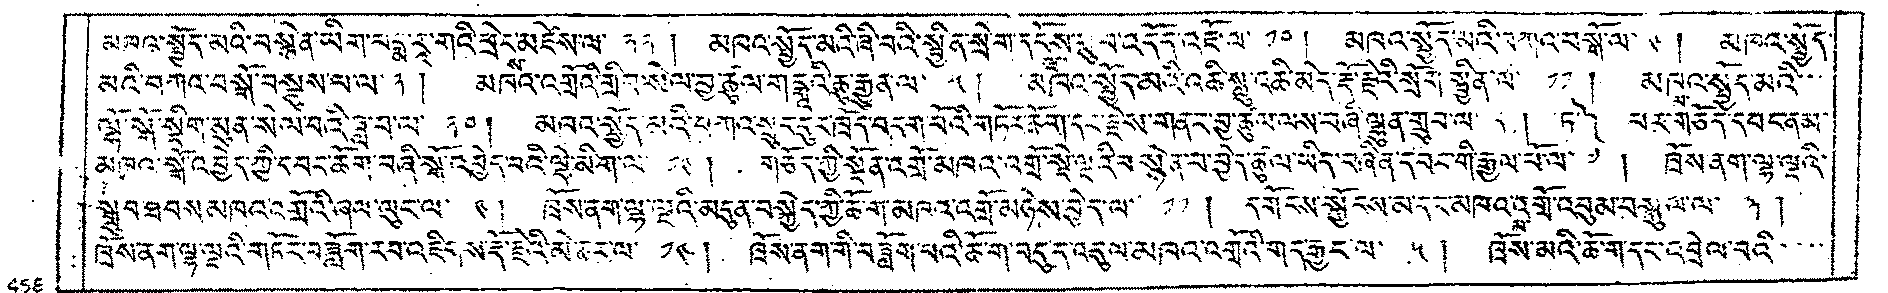མཁའ་སྤྱོད་མའི་བསྙེན་ཡིག་པདམ་རཱ་གའི་ཕྲེང་མཛེས་ལ ༢༢། མཁའ་སྤྱོད་མའི་ཞི་བའི་སྦྱིན་སྲེག་དངོས་གྲུབ་འདོད་འཇོ་ལ ༡༠། མཁའ་སྤྱོད་མའི་བཀའ་བསྒོ་ལ ༤། མཁའ་སྤྱོད་
མའི་བཀའ་བསྒོ་བསྡུས་པ་ལ ༢། ས་མཁ་འགྲོའི་གྲིབ་སེལ་བྱ་ཚུལ་གངྒཱའི་ཆུ་རྒྱུན་ལ ༥། ཝ་མཁའ་སྤྱོད་མའི་འཆི་སླུ་འཆི་མེད་རྡོ་རྗེའི་སྲོག་སྦྱིན་ལ ༡༡། མཁའ་སྤྱོད་མའི་
ལྷོ་སྒོ་སྡིག་མུན་སེལ་བའི་ཟླ་བ་ལ ༢༠། མཁའ་སྤྱོད་མའི་བཀའ་སྲུང་དུར་ཁྲོད་བདག་པོའི་གཏོར་ཆོག་དང་རྗེས་གནང་བྱ་ཚུལ་ལས་བཞི་ལྷུན་གྲུབ་ལ ༨། ཏ྄་པར་པ་གཅོད་དབང་ནམ་
མཁའ་སྒོ་འབྱེད་ཀྱི་དབང་ཆོག་བཞི་སྒོ་འབྱེད་པའི་ལྡེ་མིག་ལ ༡༤། གཅོད་ཀྱི་སྔོན་འགྲོ་མཁའ་འགྲོ་སྡེ་ལྔའི་བསྙེན་པ་བྱེད་ཚུལ་ཡིད་བཞིན་དབང་གི་རྒྱལ་པོ་ལ ༧། ཁྲོས་ནག་ལྷ་ལྔའི་
སྒྲུབ་ཐབས་མཁའ་འགྲོའི་ཞལ་ལུང་ལ ༤། ཁྲོས་ནག་ལྷ་ལྔའི་མདུན་བསྐྱེད་ཀྱི་ཆོ་ག་མཁའ་འགྲོ་མཉེས་བྱེད་ལ ༡༡། དགོངས་སྐྱོངས་མ་དང་མཁའ་འགྲོ་འབུམ་བསྐུལ་ལ ༣།
ཁྲོས་ནག་ལྷ་ལྔའི་གཏོར་བཟློག་རབ་འཇིགས་རྡོ་རྗེའི་མེ་ཆར་ལ ༡༤། ཁྲོས་ནག་གི་བཟློག་པའི་ཆོ་ག་བདུད་འདུལ་མཁའ་འགྲོའི་གད་རྒྱང་ལ ༥། ཁྲོས་མའི་ཆོ་ག་དང་འབྲེལ་བའི་